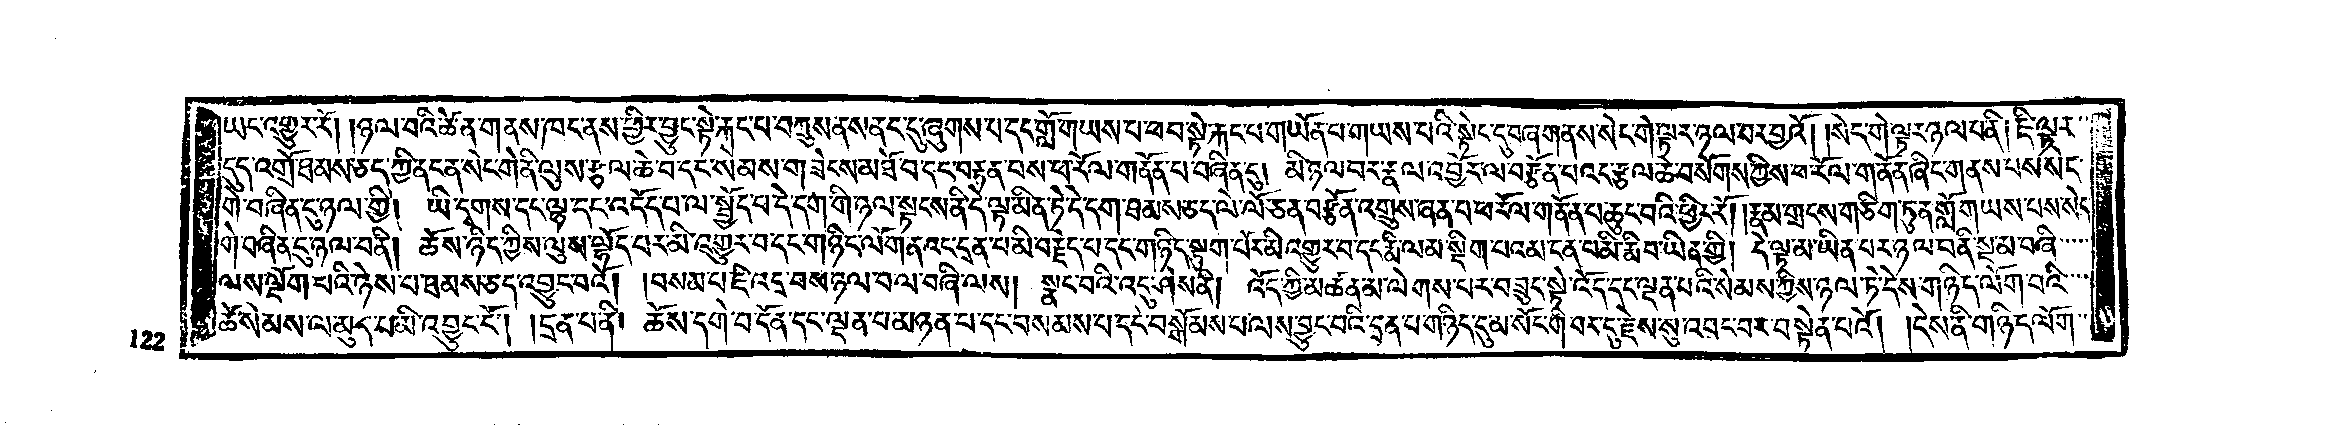ཡང་འགྱུར་རོ། །ཉལ་བའི་ཚེ་ན་གནས་ཁང་ནས་ཕྱིར་བྱུང་སྟེ་རྐང་པ་བཀྲུས་ནས་ནང་དུ་ཞུགས་པ་དང་གློ་གཡས་པ་ཕབ་སྟེ་རྐང་པ་གཡོན་པ་གཡས་པའི་སྟེང་དུ་བཞག་ནས་སེང་གེ་ལྟར་ཉལ་བར་བྱའོ། །སེང་གེ་ལྟར་ཉལ་བ་ནི། ཇི་ལྟར་
དུད་འགྲོ་ཐམས་ཅད་ཀྱི་ནང་ན་སེང་གེ་ནི་ལུས་རྩལ་ཆེ་བ་དང་སེམས་གཟེངས་མཐོ་བ་དང་བརྟན་པས་ཕ་རོལ་གནོན་པ་བཞིན་དུ། མི་ཉལ་བར་རྣལ་འབྱོར་ལ་བརྩོན་པའང་རྩལ་ཆེ་བ་སོགས་ཀྱིས་ཕ་རོལ་གནོན་ཞིང་གནས་པས་སེང་
གེ་བཞིན་དུ་ཉལ་གྱི། ཡི་དྭགས་དང་ལྷ་དང་འདོད་པ་ལ་སྤྱོད་པ་དེ་དག་གི་ཉལ་སྟངས་ནི་དེ་ལྟ་མིན་ཏེ་དེ་དག་ཐམས་ཅད་ལེ་ལོ་ཅན་བརྩོན་འགྲུས་ཞན་པ་ཕ་རོལ་གནོན་པ་ཆུང་བའི་ཕྱིར་རོ། །རྣམ་གྲངས་གཅིག་ཏུ་ན་གློ་གཡས་པས་སེང་
གེ་བཞིན་དུ་ཉལ་བ་ནི། ཆོས་ཉིད་ཀྱིས་ལུས་ལྷོད་པར་མི་འགྱུར་བ་དང་གཉིད་ལོག་ནའང་དྲན་པ་མི་བརྗོད་པ་དང་གཉིད་སྟུག་པོར་མི་འགྱུར་བ་དང་རྨི་ལམ་སྡིག་པའམ་ངན་པ་མི་རྨི་བ་ཡིན་གྱི། དེ་ལྟ་མ་ཡིན་པར་ཉལ་བ་ནི་སྔ་མ་བཞི་
ལས་ལྡོག་པའི་ཉེས་པ་ཐམས་ཅད་འབྱུང་བའོ། །བསམ་པ་ཇི་འདྲ་བས་ཉལ་བ་ལ་བཞི་ལས། སྣང་བའི་འདུ་ཤེས་ནི། འོད་ཀྱི་མཚན་མ་ལེགས་པར་བཟུང་སྟེ་འོད་དང་ལྡན་པའི་སེམས་ཀྱིས་ཉལ་ཏེ་དེས་གཉིད་ལོག་པའི་
ཚེ་སེམས་ལ་མུན་པ་མི་འབྱུང་ངོ། །དྲན་པ་ནི། ཆོས་དགེ་བ་དོན་དང་ལྡན་པ་མཉན་པ་དང་བསམས་པ་དང་བསྒོམས་པ་ལས་བྱུང་བའི་དྲན་པ་གཉིད་དུ་མ་སོང་གི་བར་དུ་རྗེས་སུ་འབྲང་བར་བསྟེན་པའོ། །དེས་ནི་གཉིད་ལོག་